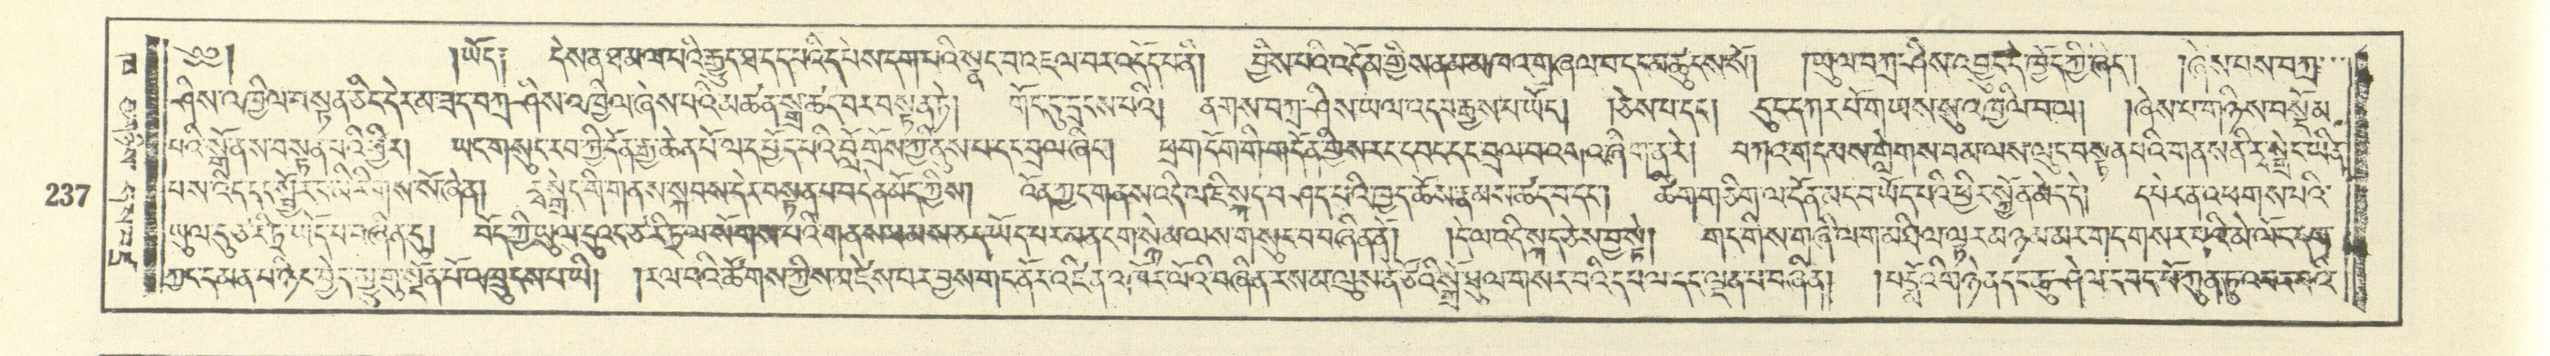༄༅། །ཡོད༑ དེས་ན་ཐ་མལ་པའི་རྒྱུད་ཐ་དད་པའི་དཔེས་དག་པའི་སྣང་བ་འཇལ་བར་འདོད་པ་ནི། བྱིས་པའི་འདོམ་གྱིས་ནམ་མཁའ་གཞལ་བ་དང་མཚུངས་སོ། །ཡུལ་བཀྲ་ཤིས་འབྱུང་དེ་ཁྱོད་ཀྱི་ཞིང་། །ཞེས་པས་བཀྲ་
ཤིས་འཁྱིལ་བསྟན་ཅིང་དེར་མ་ཟད་བཀྲ་ཤིས་འཁྱིལ་ཞེས་བའི་མཚན་སྒྲ་ཚང་བར་བསྟན་ཏེ། གོང་དུ་དྲངས་བའི། ནགས་བཀྲ་ཤིས་ཡལ་འདབ་རྒྱས་པ་ཡོད། །ཅེས་པ་དང་། དུང་དཀར་པོ་གཡས་སུ་འཁྱིལ་བ་ལ། །ཞེས་པ་གཉིས་བསྡོམ་
པའི་སྒོ་ནས་བསྟན་པའི་ཕྱིར། ཡང་གསུང་རབ་ཀྱི་དོན་རྒྱ་ཆེན་པོ་ལ་དབྱོད་པའི་བློ་གྲོས་ཀྱི་ནུས་པ་དང་བྲལ་ཞིང་། ཕྲག་དོག་གི་གདོན་གྱིས་རང་དབང་དང་བྲལ་བ་འགའ་ཞིག་ན་རེ། བཀའ་གདམས་གླེགས་བམ་ལས་ལུང་བསྟན་པའི་གནས་ནི་རྭ་སྒྲེང་ཡིན་
པས་འདི་དང་སྦྱོར་བ་མི་རིགས་སོ་ཞེ་ན། རྭ་སྒྲེང་གི་གནས་སྐབས་དེར་བསྟན་པ་བདེན་མོད་ཀྱིས། འོན་ཀྱང་གནས་འདི་ལ་ཇི་སྐད་བཤད་པའི་ཁྱད་ཆོས་རྣམས་ཚད་བ་དང་། ཚིག་གཅིག་ལ་དོན་མང་བ་ཡོད་པའི་ཕྱིར་སྐྱོན་མེད་དེ། དཔེར་ན་འཕགས་པའི་
ཡུལ་དུ་ཙ་རི་ཏྲ་ཡོད་པ་བཞིན་དུ། བོད་ཀྱི་ཡུལ་དུའང་ཙ་རི་ཏྲ་ལ་སོགས་པའི་གནས་ཐམས་ཅད་ཡོད་པར་མན་ངག་སྙེ་མ་ལས་གསུང་བ་བཞིན་ནོ། །དེ་ལ་འདི་སྐད་ཅེས་བྱ་སྟེ། གང་གིས་གཞི་ལག་མཐིལ་ལྟར་མཉམ་མར་གང་གསར་པའི་མེ་ལོང་དག་
ཀྱང་དམན་པ་ཉིད་བྱེད་མྱུ་གུ་སྔོན་པོ་འཁྲུངས་པ་ཡིན། །རལ་པའི་ཚོགས་ཀྱིས་མཛེས་པར་བྱས་གང་ནོར་འཛིན་འཁོར་ལོའི་བཞིན་རས་མ་ལུས་ནེ་ཙོའི་སྒྲོ་ཐུལ་གསར་བའི་དཔལ་དང་ལྡན་པ་བཞིན། །པདམོའི་གཉེན་དང་ཆུ་ཤེལ་དབང་པོ་ཀུན་ཏུ་འབར་བའི་